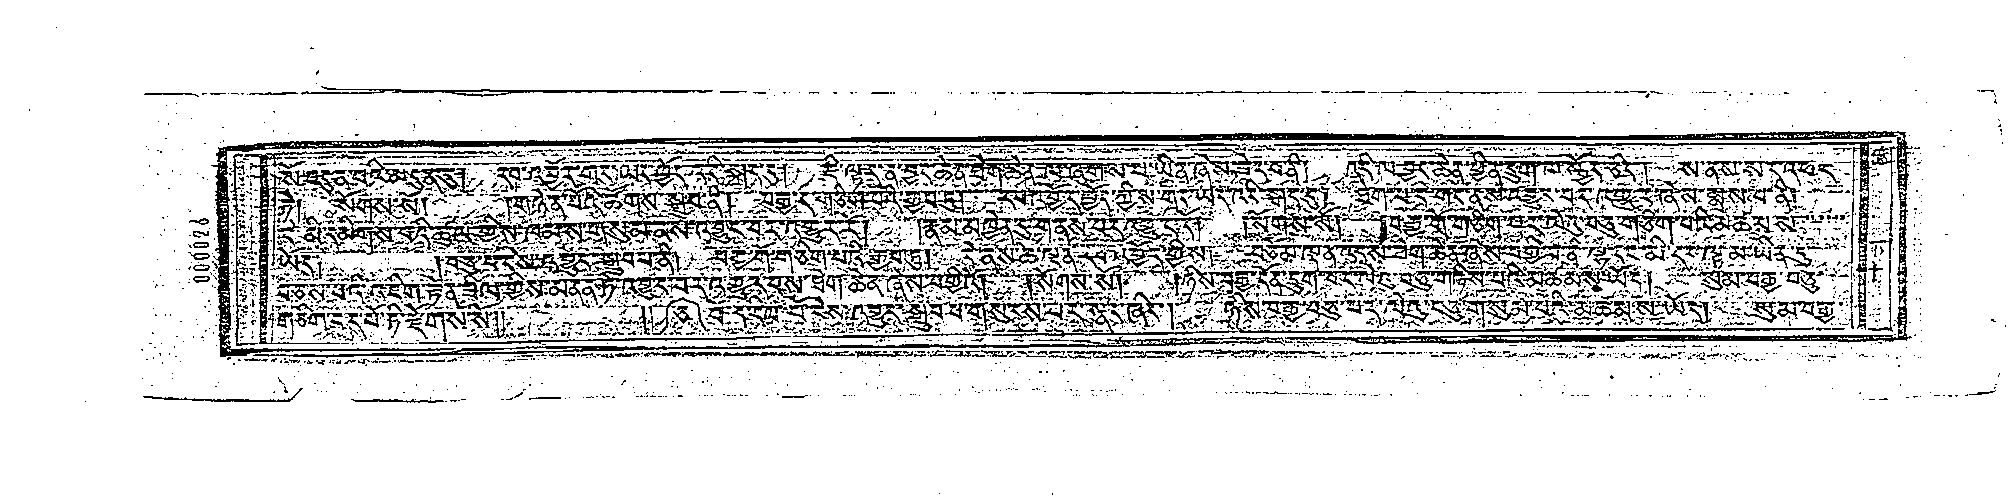སོ་བདུན་བའི་མདུན་དུ། རབ་འབྱོར་གང་ཡང་ཁྱོད་འདི་སྐད་དུ། ཇི་ལྟར་ན་བྱང་ཆེན་ཐེག་ཆེན་ལ་ཞུགས་པ་ཡིན་ཞེས་ཟེར་བ་ནི། འདི་ལ་བྱང་ཆེན་ཕྱིན་དྲུག་ལ་སྤྱོད་ཅིང་། ས་ནས་སང་འཕང་
ཏེ། སོགས་སོ། །གཉེན་བོའི་ཚོགས་སྒྲུབ་ནི། བརྒྱ་ང་གཅིག་པའི་རྒྱབ་ཏུ། རབ་འབྱོར་ཁྱོད་ཀྱིས་གང་ཡང་འདི་སྐད་དུ། ཐེག་པ་དེ་གང་ནས་འབྱུང་བར་འགྱུར་ཞེས་སྨྲས་པ་ནི།
དེ་མི་དམིགས་པའི་ཚུལ་གྱིས་ཁམས་གསུམ་ནས་འབྱུང་བར་འགྱུར་རོ། །རྣམ་མཁྱེན་དུ་གནས་པར་འགྱུར་རོ། །སོགས་སོ། །བརྒྱ་གོ་གཅིག་པར་ལེའུ་བཅུ་གཅིག་པའི་མཚམས་
ཡོད། །བཅུ་པ་ངེས་འབྱུང་སྒྲུབ་པ་ནི། བརྒྱ་གོ་གཅིག་པའི་རྒྱབ་ཏུ། དེ་ནས་ཚེ་ལྡན་རབ་འབྱོར་གྱིས། བཅོམ་ལྡན་འདས་ཐེག་ཆེན་ཞེས་བགྱི་བ་ནི་ལྷ་དང་མི་དང་ལྷ་མ་ཡིན་དུ་
བཅས་པའི་འཇིག་རྟེན་ཟིལ་གྱིས་མནན་ཏེ་འབྱུང་བར་འགྱུར་བས་ཐེག་ཆེན་ཞེས་བགྱིའོ། །སོགས་སོ། །ཉིས་བརྒྱ་དོན་དྲུག་པར་ལེའུ་བཅུ་གཉིས་པའི་མཚམས་ཡོད། སུམ་བརྒྱ་བཅུ་
གཅིག་བར་པོ་ཏི་རྫོགས་སོ།། །།ཅ྄་པོད་རིལ་པོ་ངེས་འབྱུང་སྒྲུབ་པ་གསུངས་པར་སྣང་ཞིང་། ཉིས་བརྒྱ་བཅུ་པར་ལེའུ་བཅུ་གསུམ་པའི་མཚམས་ཡོད། སུམ་བརྒྱ་